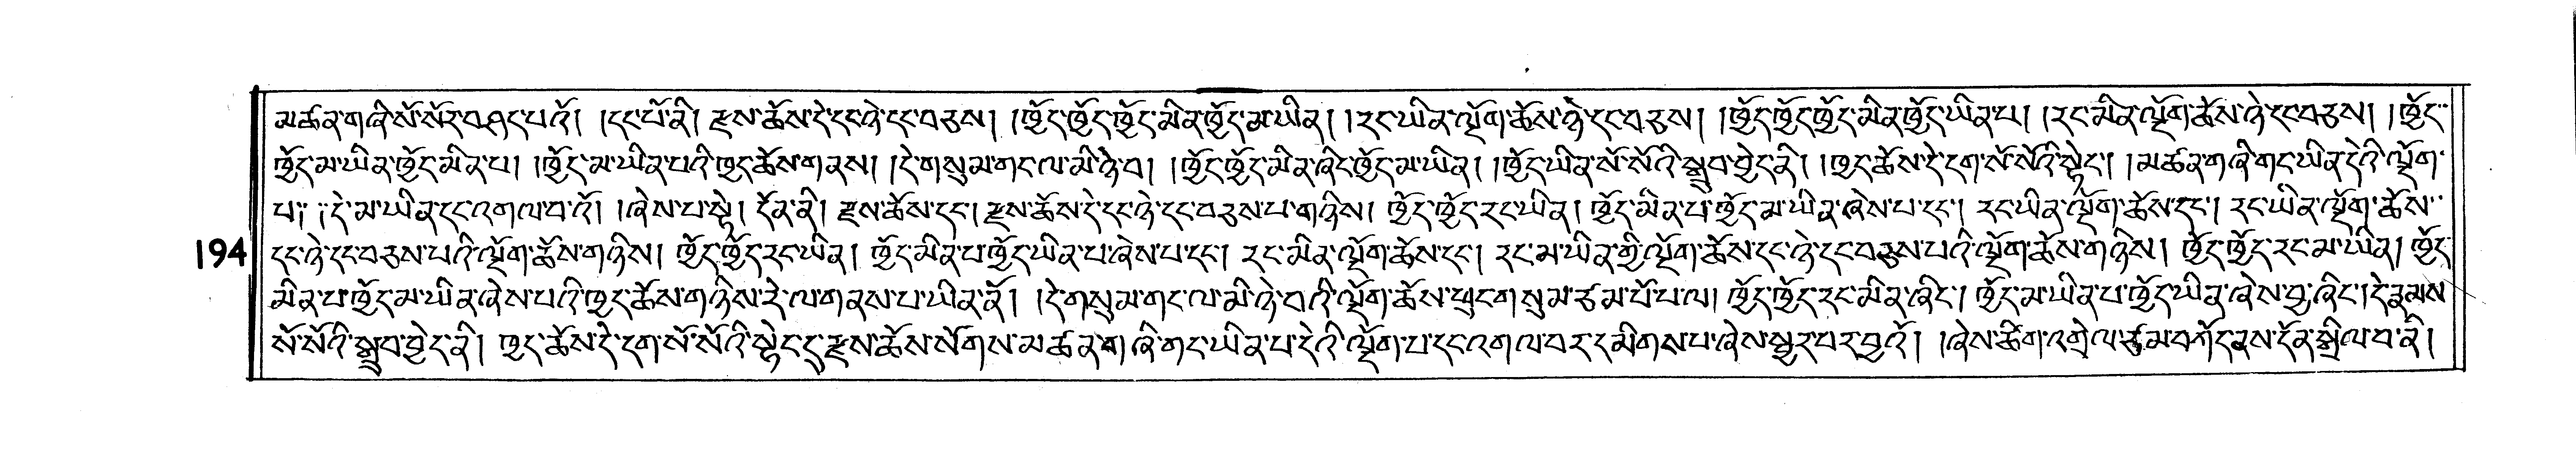མཚན་གཞི་སོ་སོར་བཤད་པའོ། །དང་པོ་ནི། རྫས་ཆོས་དེ་དང་ཉེ་དང་བཅས། །ཁྱོད་ཁྱོད་ཁྱོད་མིན་ཁྱོད་མ་ཡིན། །རང་ཡིན་ལྡོག་ཆོས་ཉེ་དང་བཅས། །ཁྱོད་ཁྱོད་ཁྱོད་མིན་ཁྱོད་ཡིན་པ། །རང་མིན་ལྡོག་ཆོས་ཉེ་དང་བཅས། །ཁྱོད་
ཁྱོད་མ་ཡིན་ཁྱོད་མིན་པ། །ཁྱོད་མ་ཡིན་པའི་ཁྱད་ཆོས་གནས། །དེ་གསུམ་གང་ལ་མི་ཉེ་བ། །ཁྱོད་ཁྱོད་མིན་ཞིང་ཁྱོད་མ་ཡིན། །ཁྱོད་ཡིན་སོ་སོའི་སྒྲུབ་བྱེད་ནི། །ཁྱད་ཆོས་དེ་དག་སོ་སོའི་སྟེང་། །མཚན་གཞི་གང་ཡིན་དེའི་ལྡོག་
པ༑ ༑དེ་མ་ཡིན་དང་འགལ་བའོ། །ཞེས་པ་སྟེ། དོན་ནི། རྫས་ཆོས་དང་། རྫས་ཆོས་དེ་དང་ཉེ་དང་བཅས་པ་གཉིས། ཁྱོད་ཁྱོད་རང་ཡིན། ཁྱོད་མིན་པ་ཁྱོད་མ་ཡིན་ཞེས་པ་དང་། རང་ཡིན་ལྡོག་ཆོས་དང་། རང་ཡིན་ལྡོག་ཆོས་
དང་ཉེ་དང་བཅས་པའི་ལྡོག་ཆོས་གཉིས། ཁྱོད་ཁྱོད་རང་ཡིན། ཁྱོད་མིན་པ་ཁྱོད་ཡིན་པ་ཞེས་པ་དང་། རང་མིན་ལྡོག་ཆོས་དང་། རང་མ་ཡིན་གྱི་ལྡོག་ཆོས་དང་ཉེ་དང་བཅས་པའི་ལྡོག་ཆོས་གཉིས། ཁྱོད་ཁྱོད་རང་མ་ཡིན། ཁྱོད་
མིན་པ་ཁྱོད་མ་ཡིན་ཞེས་པའི་ཁྱད་ཆོས་གཉིས་རེ་ལ་གནས་པ་ཡིན་ནོ། །དེ་གསུམ་གང་ལ་མི་ཉེ་བའི་ལྡོག་ཆོས་ཕུང་གསུམ་ཙམ་པོ་པ་ལ། ཁྱོད་ཁྱོད་རང་མིན་ཞིང་། ཁྱོད་མ་ཡིན་པ་ཁྱོད་ཡིན་ཞེས་བྱ་ཞིང་། དེ་རྣམས་
སོ་སོའི་སྒྲུབ་བྱེད་ནི། ཁྱད་ཆོས་དེ་དག་སོ་སོའི་སྟེང་དུ་རྫས་ཆོས་སོགས་མཚན་གཞི་གང་ཡིན་པ་དེའི་ལྡོག་པ་དང་འགལ་བར་དམིགས་པ་ཞེས་སྦྱར་བར་བྱའོ། །ཞེས་ཚིག་འགྲེལ་ཙམ་བཀོད་ནས་དོན་སྒྲིལ་བ་ནི།